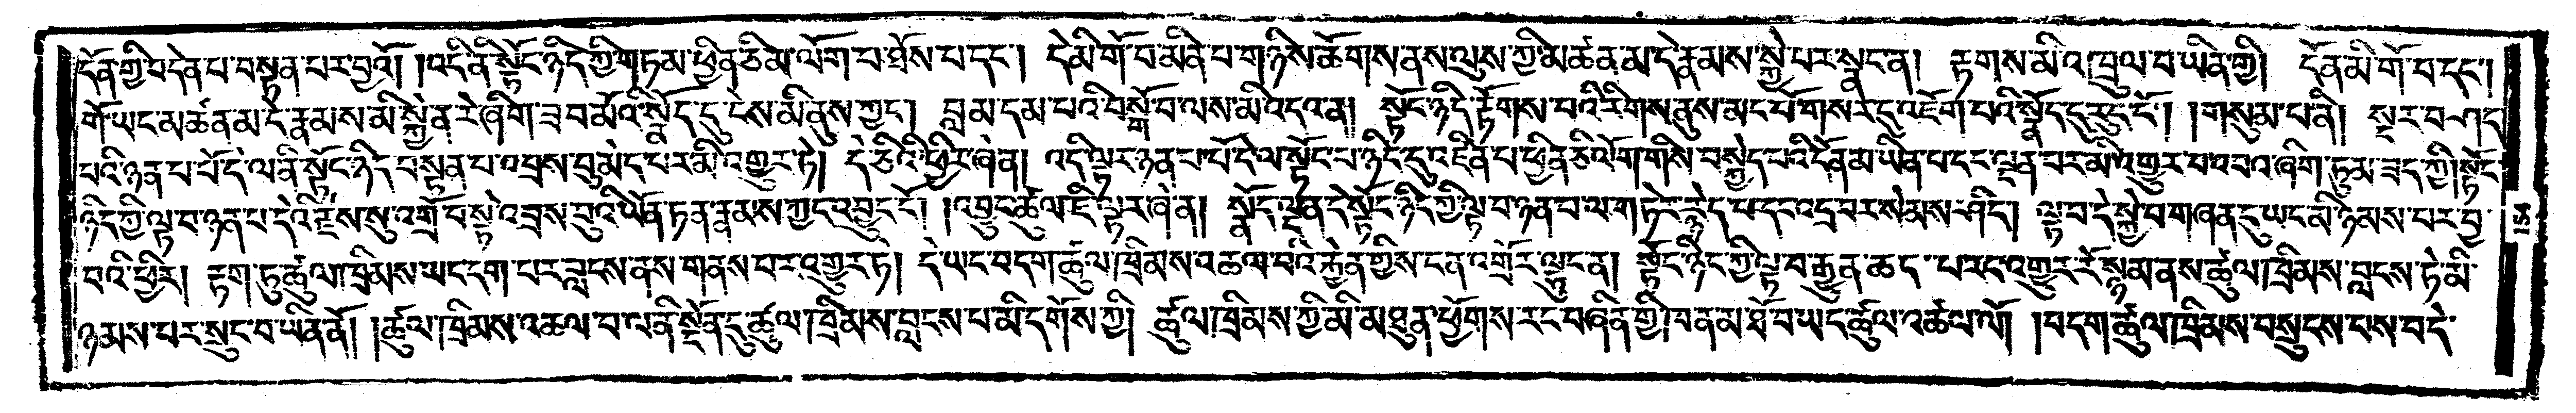དོན་གྱི་བདེན་པ་བསྟན་པར་བྱའོ། །འདི་ནི་སྟོང་ཉིད་ཀྱི་གཏམ་ཕྱིན་ཅི་མ་ལོག་པ་ཐོས་པ་དང་། དེ་མི་གོ་བ་མིན་པ་གཉིས་ཚོགས་ནས་ལུས་ཀྱི་མཚན་མ་དེ་རྣམས་སྐྱེ་བར་སྣང་ན། རྟགས་མི་འཁྲུལ་བ་ཡིན་གྱི། དོན་མི་གོ་བ་དང་།
གོ་ཡང་མཚན་མ་དེ་རྣམས་མི་སྐྱེ་ན་རེ་ཞིག་ཟབ་མོའི་སྣོད་དུ་ངེས་མི་ནུས་ཀྱང་། བླ་མ་དམ་པའི་བསྒོ་བ་ལས་མི་འདའ་ན། སྟོང་ཉིད་རྟོགས་པའི་རིགས་ནུས་མང་པོ་གསར་དུ་འཇོག་པའི་སྣོད་དུ་རུང་ངོ། །གསུམ་པ་ནི། སྔར་བཤད་
པའི་ཉན་པ་པོ་དེ་ལ་ནི་སྟོང་ཉིད་བསྟན་པ་འབྲས་བུ་མེད་པར་མི་འགྱུར་ཏེ། དེ་ཅིའི་ཕྱིར་ཞེ་ན། འདི་ལྟར་ཉན་པ་པོ་དེ་ལ་སྟོང་པ་ཉིད་དུ་འཛིན་པ་ཕྱིན་ཅི་ལོག་གིས་བསྐྱེད་པའི་དོན་མ་ཡིན་པ་དང་ལྡན་པར་མི་འགྱུར་བ་འབའ་ཞིག་ཏུ་མ་ཟད་ཀྱི། སྟོང་
ཉིད་ཀྱི་ལྟ་བ་ཉན་པ་དེའི་རྗེས་སུ་འགྲོ་བ་སྟེ་འབྲས་བུའི་ཡོན་ཏན་རྣམས་ཀྱང་འབྱུང་ངོ། །འབྱུང་ཚུལ་ཇི་ལྟར་ཞེ་ན། སྣོད་ལྡན་དེ་སྟོང་ཉིད་ཀྱི་ལྟ་བ་ཉན་པ་ལ་གཏེར་རྙེད་པ་དང་འདྲ་བར་སེམས་ཤིང་། ལྟ་བ་དེ་སྐྱེ་བ་གཞན་དུ་ཡང་མི་ཉམས་པར་བྱ་
བའི་ཕྱིར། རྟག་ཏུ་ཚུལ་ཁྲིམས་ཡང་དག་པར་བླངས་ནས་གནས་པར་འགྱུར་ཏེ། དེ་ཡང་བདག་ཚུལ་ཁྲིམས་འཆལ་བའི་རྐྱེན་གྱིས་ངན་འགྲོར་ལྷུང་ན། སྟོང་ཉིད་ཀྱི་ལྟ་བ་རྒྱུན་ཆད་པ་རང་འགྱུར་རོ་སྙམ་ནས་ཚུལ་ཁྲིམས་བླངས་ཏེ་མི་
ཉམས་པར་སྲུང་བ་ཡིན་ནོ། །ཚུལ་ཁྲིམས་འཆལ་པ་ལ་ནི་སྔོན་དུ་ཚུལ་ཁྲིམས་བླངས་པ་མི་དགོས་ཀྱི། ཚུལ་ཁྲིམས་ཀྱི་མི་མཐུན་ཕྱོགས་རང་བཞིན་གྱི་ཁ་ན་མ་ཐོ་བ་ཡང་ཚུལ་འཆལ་ལོ། །བདག་ཚུལ་ཁྲིམས་བསྲུངས་པས་བདེ་